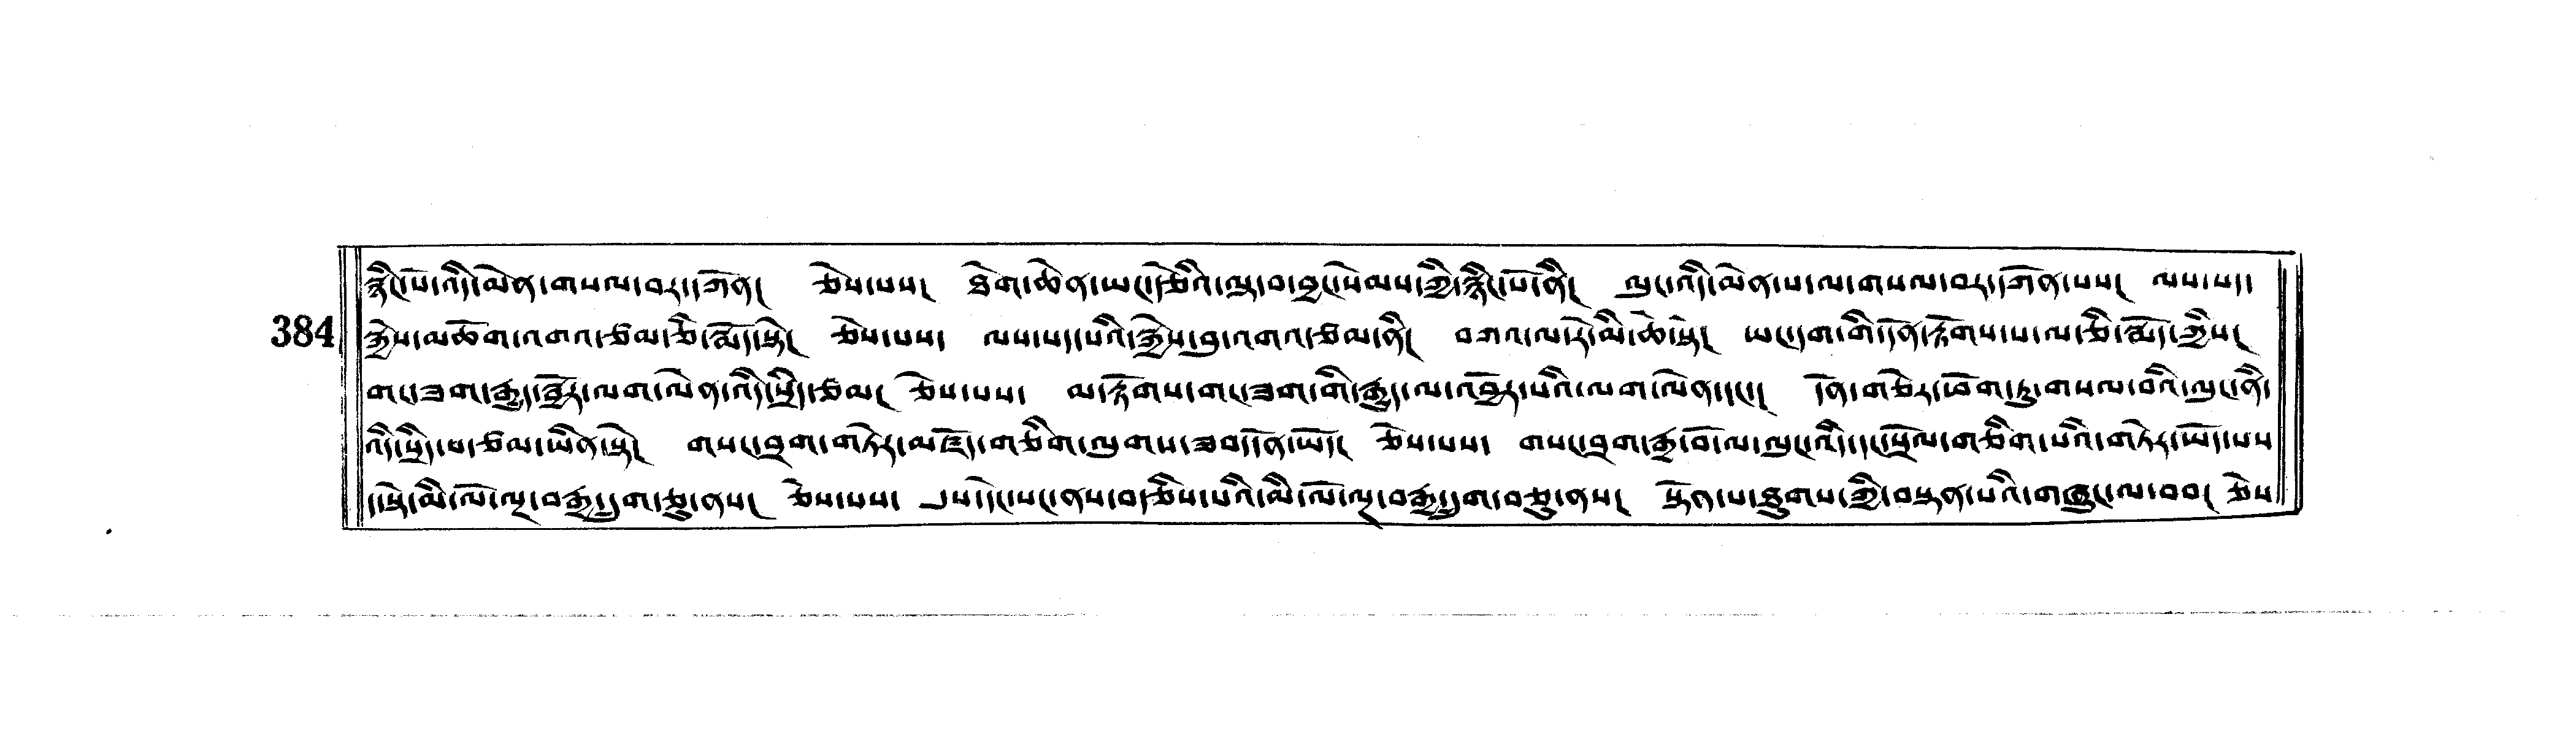སྙིང་པོ་འདི་མེན་གསལ་བར་དཀོན། ཅེས་པས། ཐེག་ཆེན་ཡང་རྩེའི་ལྟ་བ་བྱང་སེམས་ཀྱི་སྙིང་པོ་ནི། ལུང་འདི་མེན་པ་ལ་གསལ་བར་དཀོན་པས། ལས་སད་
སྐྱེས་མཆོག་འགའ་ཙམ་ཅི་སྨོད་སྟེ། ཅེས་པས། ལས་སད་པའི་སྐྱེས་བུ་འགའ་ཙམ་ནི། བཀའ་ལ་རེ་མི་ཆེ་སྟེ། ཡང་དག་གི་དོན་རྟོགས་པ་ལ་ཅི་སྨོད་ཀྱིས། 
གང་ཟག་རྒྱུད་སྦྱོར་ལག་ལེན་འདི་སྲིད་ཙམ། ཅེས་པས། མ་རྟོགས་གང་ཟག་གི་རྒྱུད་ལ་འབྱོར་བའི་ལག་ལེན་དང་། དོན་ཅེར་ཕོག་ཏུ་གསལ་བའི་ལུང་ནི་
འདི་སྲིད་པ་ཙམ་ཡིན་ཏེ། གསང་བྲག་གཏེར་མཛོད་གཅིག་ལུགས་ཟབ་དོན་ཡོད། ཅེས་པས། གསང་བྲག་རྒྱ་བོ་ལ་ལུང་འདི་དང་སྲོལ་གཅིག་པའི་གཏེར་ཡོད་པས
་ད་སྟེ་མི་ལོ་ལྔ་བརྒྱ་དྲུག་ཅུ་ནས། ཅེས་པས། དུས་དེང་སང་ནས་བརྩིས་པའི་མི་ལོ་ལྔ་བརྒྱ་དྲུག་ཅུ་ནས། སྟོན་པ་ཐུགས་ཀྱི་བསྟན་པའི་གཞུང་ལ་བབས། ཅེས་